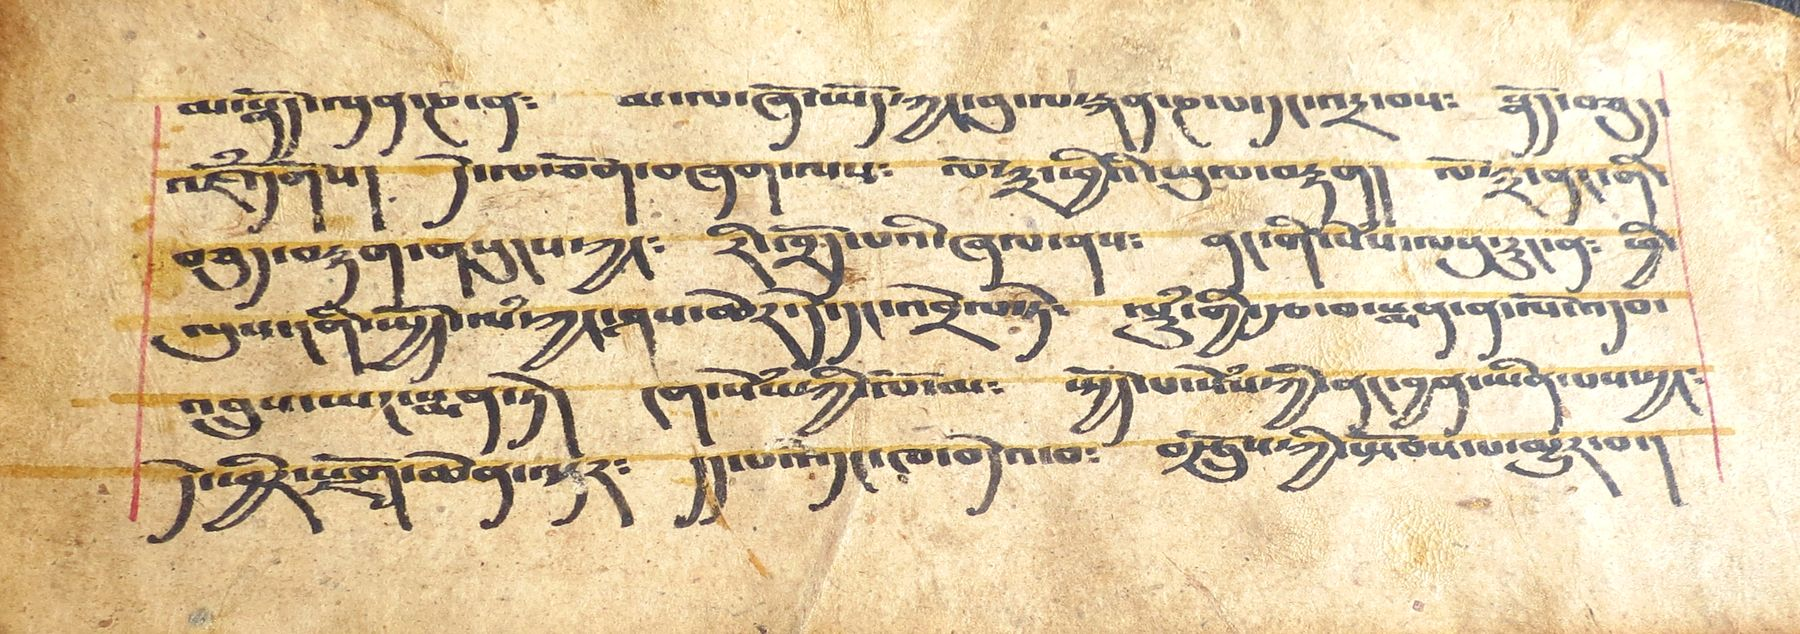མ་སྣོད་ལྡན་མེད་ན། མ་ལ་ཞོ་ཡོད་ཀྱང་བུ་ལ་རྐན་མེད་པ་དང་འདྲ་བས། སྣོད་བཅུད་
འཛོམ་དགོས། དེ་ལ་ཡང་ཅོག་བཞག་ལས། ལོ་གསུམ་ཕྱིའི་ཡུལ་བརྟགས། ལོ་གསུམ་ནང་གི་
བཅུད་བརྟག་གསུངས་ཀྱང་། རི་ཁྲོད་པའི་ཞལ་ནས། ནང་གི་སེམས་ལས་སུ་རུང་ན། ཕྱི་
ལུས་ངག་གི་སྤྱོད་ལམ་ཀྱང་ཤས་ཆེར་དེ་དང་འབྲེལ་ཏེ། ལྡུམ་གྱི་རྩ་བ་སྨན་ན་ལོ་འདབ་
འབྲས་བུ་ཡང་སྨན་ཏེ། ངག་སེམས་ཀྱི་ལོ་མ། སྤྱོད་པ་སེམས་ཀྱི་ནང་དབྱེན་ཡིན་གསུངས། 
དེའི་ཕྱིར་རྫོགས་ཆེན་ལྟར། དད་པའི་དང་ཀ་བདེ་བ། བརྩོན་འགྲུས་ཀྱི་སྤོབས་པ་མྱུར་བ།